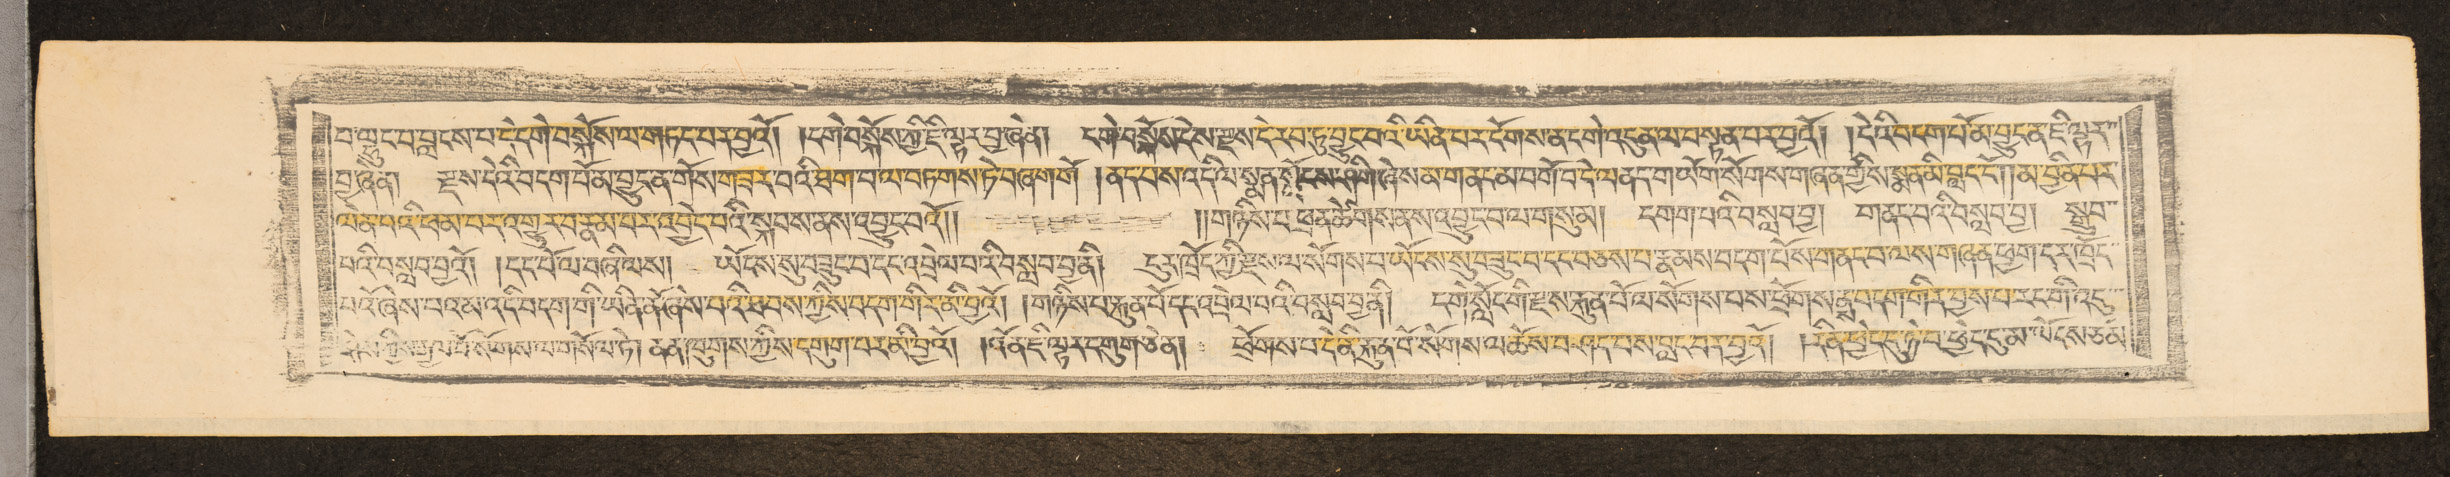པ་ལྷུང་བ་བླངས་པ་དེ་དགེ་བསྐོས་ལ་གཏད་པར་བྱའོ། །དགེ་བསྐོས་ཀྱི་ཇི་ལྟར་བྱ་ཞེ་ན། དགེ་བསྐོས་དེས་རྫས་དེ་རབ་ཏུ་བྱུང་བའི་ཡིན་པར་དོགས་ན་དགེ་འདུན་ལ་བསྟན་པར་བྱའོ། །དེའི་བདག་པོ་མ་བྱུང་ན་ཇི་ལྟར་
བྱ་ཞེ་ན། རྫས་དེའི་བདག་པོ་མ་བྱུང་ན་གོས་གཟར་བའི་ཐག་པ་ལ་བཏགས་ཏེ་བཞག་གོ །ནད་པས་འདི་ལ་སྨན་སློངས་ཤིག་ཞེས་མ་གནང་མ་བགོ་བ་དེ་ལ་ནད་གཡོག་སོགས་གཞན་གྱིས་སྨན་མི་བླང་ངོ། །མ་བྱིན་པར་
ལེན་པའི་ཕམ་པར་འགྱུར་བ་རྣམ་པར་འབྱེད་པའི་སྐབས་ནས་འབྱུང་བའོ།། །།གཉིས་པ་ཕྲན་ཚེགས་ནས་འབྱུང་བ་ལ་གསུམ། དགག་པའི་བསླབ་བྱ། གནང་བའི་བསླབ་བྱ། སྒྲུབ་
པའི་བསླབ་བྱའོ། །དང་པོ་ལ་བཞི་ལས། ཡོངས་སུ་བཟུང་བ་དང་འབྲེལ་བའི་བསླབ་བྱ་ནི། དུར་ཁྲོད་ཀྱི་རྫས་ལ་སོགས་པ་ཡོངས་སུ་བཟུང་བ་དང་བཅས་པ་རྣམས་བདག་པོས་གནང་བ་ལས་གཞན་ཕྱག་དར་ཁྲོད་
པའོ་ཞེས་པའམ་འདི་བདག་གི་ཡིན་ནོ་ཞེས་པའི་ཐབས་ཀྱིས་བདག་གིར་མི་བྱའོ། །གཉིས་པ་རྐུན་པོ་དང་འབྲེལ་བའི་བསླབ་བྱ་ནི། དགེ་སློང་གི་རྫས་རྐུན་པོ་ལ་སོགས་པས་ཕྲོགས་ནས་བདག་གིར་བྱས་པ་རང་གི་འདུ་
ཤེས་ཀྱིས་རྒྱལ་པོ་སོགས་ལ་གསོལ་ཏེ། ནན་ཁུགས་ཀྱིས་དགུག་པར་མི་བྱའོ། །འོ་ན་ཇི་ལྟར་དགུག་ཅེ་ན། ཕྲོགས་པ་དེ་ནི་རྐུན་པོ་སོགས་ལ་ཆོས་བཤད་པས་བླང་བར་བྱའོ། །རིན་ཕྱེད་དུ་ཉེ་བ་ཕྱེད་དུ་མ་ལོངས་ཙམ་